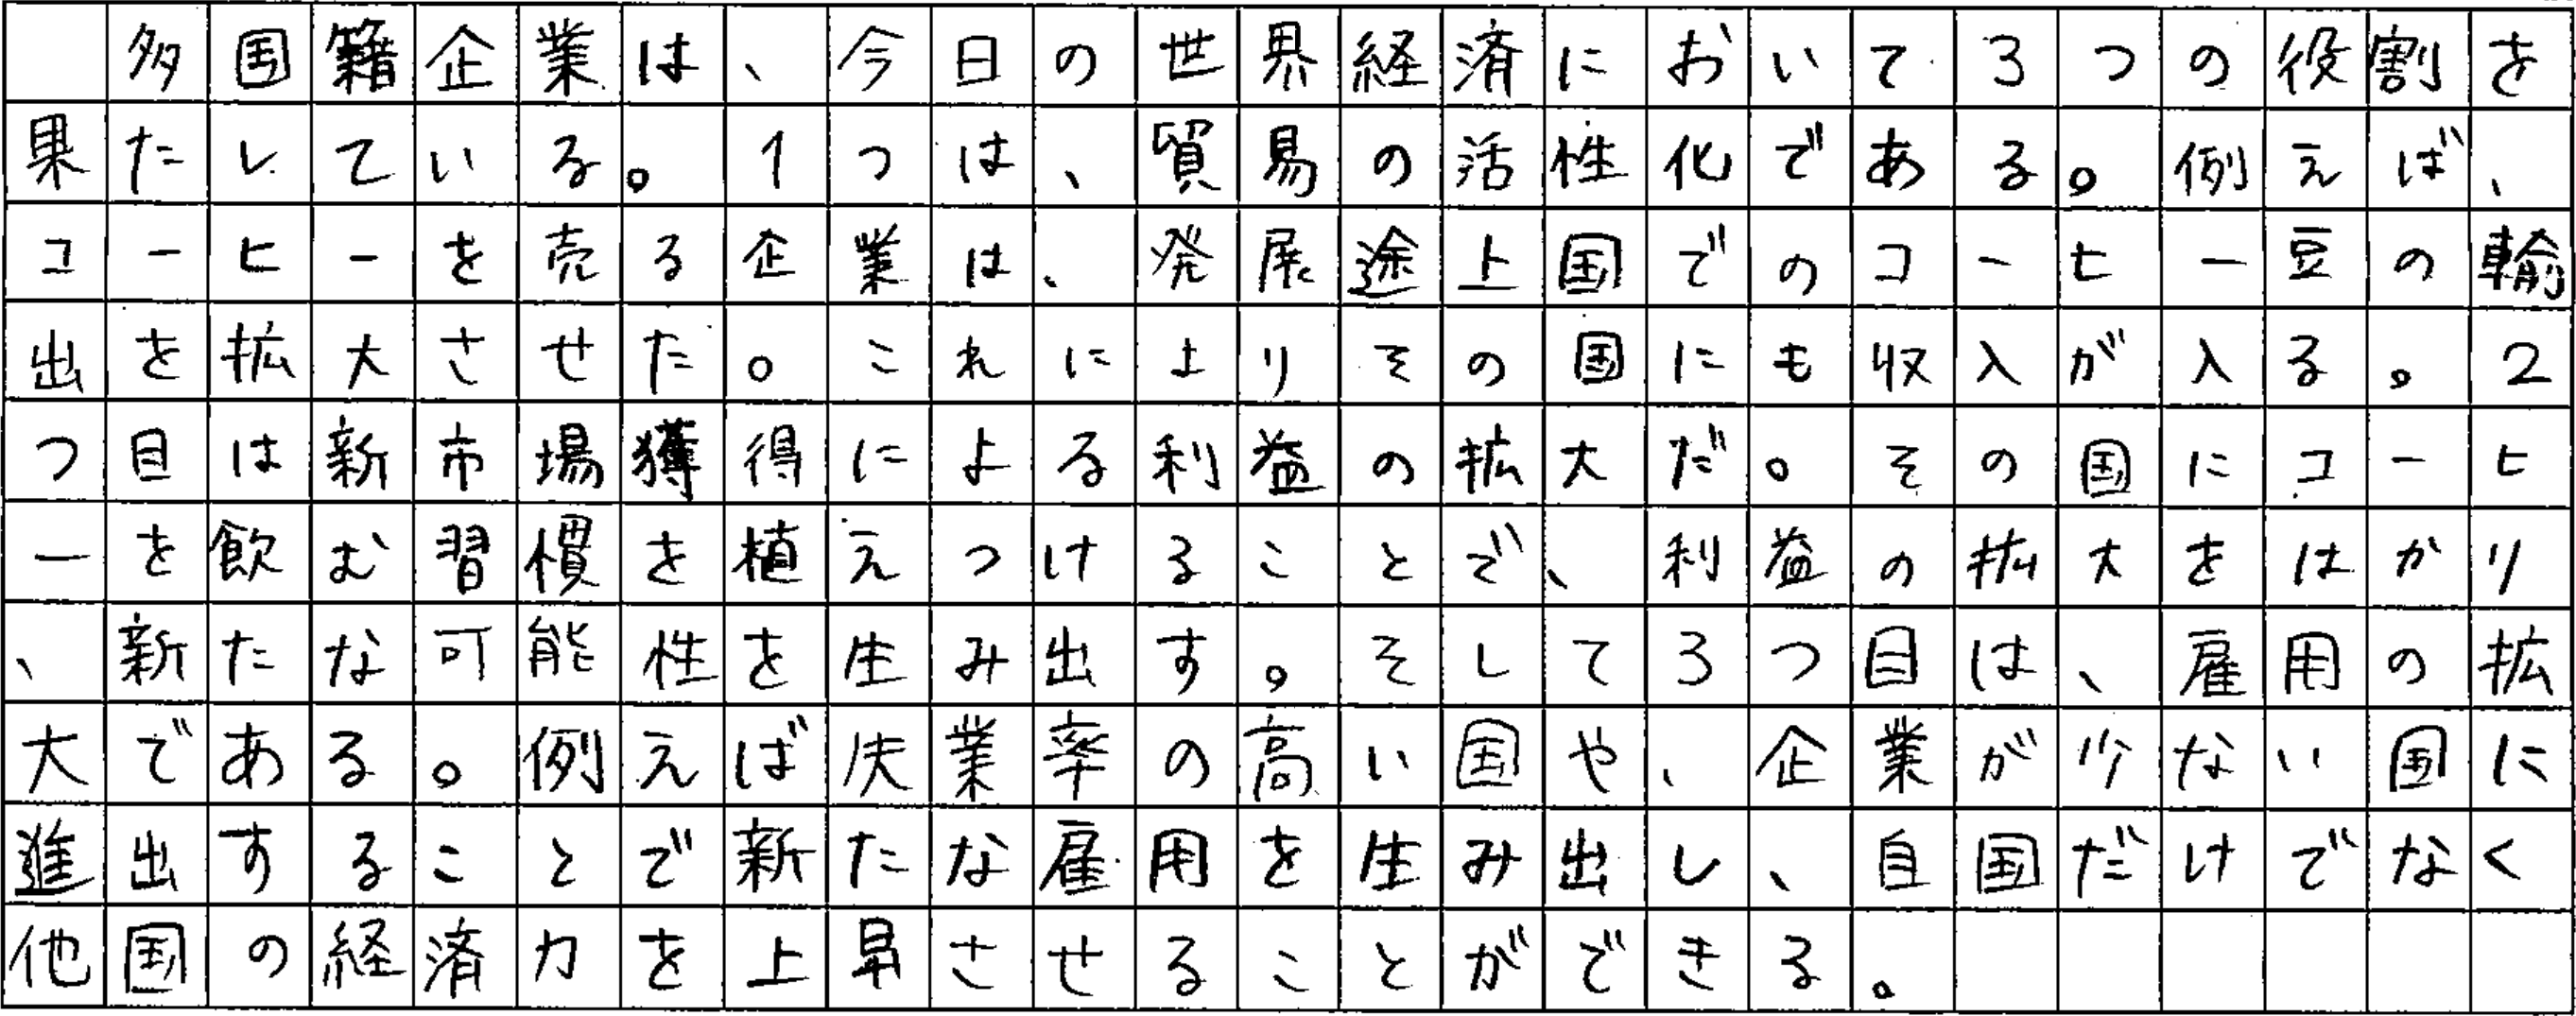　多国籍企業は、今日の世界経済において３つの役割を果たしている。１つは、貿易の活性化である。例えば、コーヒーを売る企業は、発展途上国でのコーヒー豆の輸出を拡大させた。これによりその国にも収入が入る。２つ目は新市場▁得による利益の拡大だ。その国にコーヒーを飲む習慣を植えつけることで、利益の拡大をはかり、新たな可能性を生み出す。そして３つ目は、雇用の拡大である。例えば失業率の高い国や、企業が少ない国に進出することで新たな雇用を生み出し、自国だけでなく他国の経済力を上昇させることができる。
